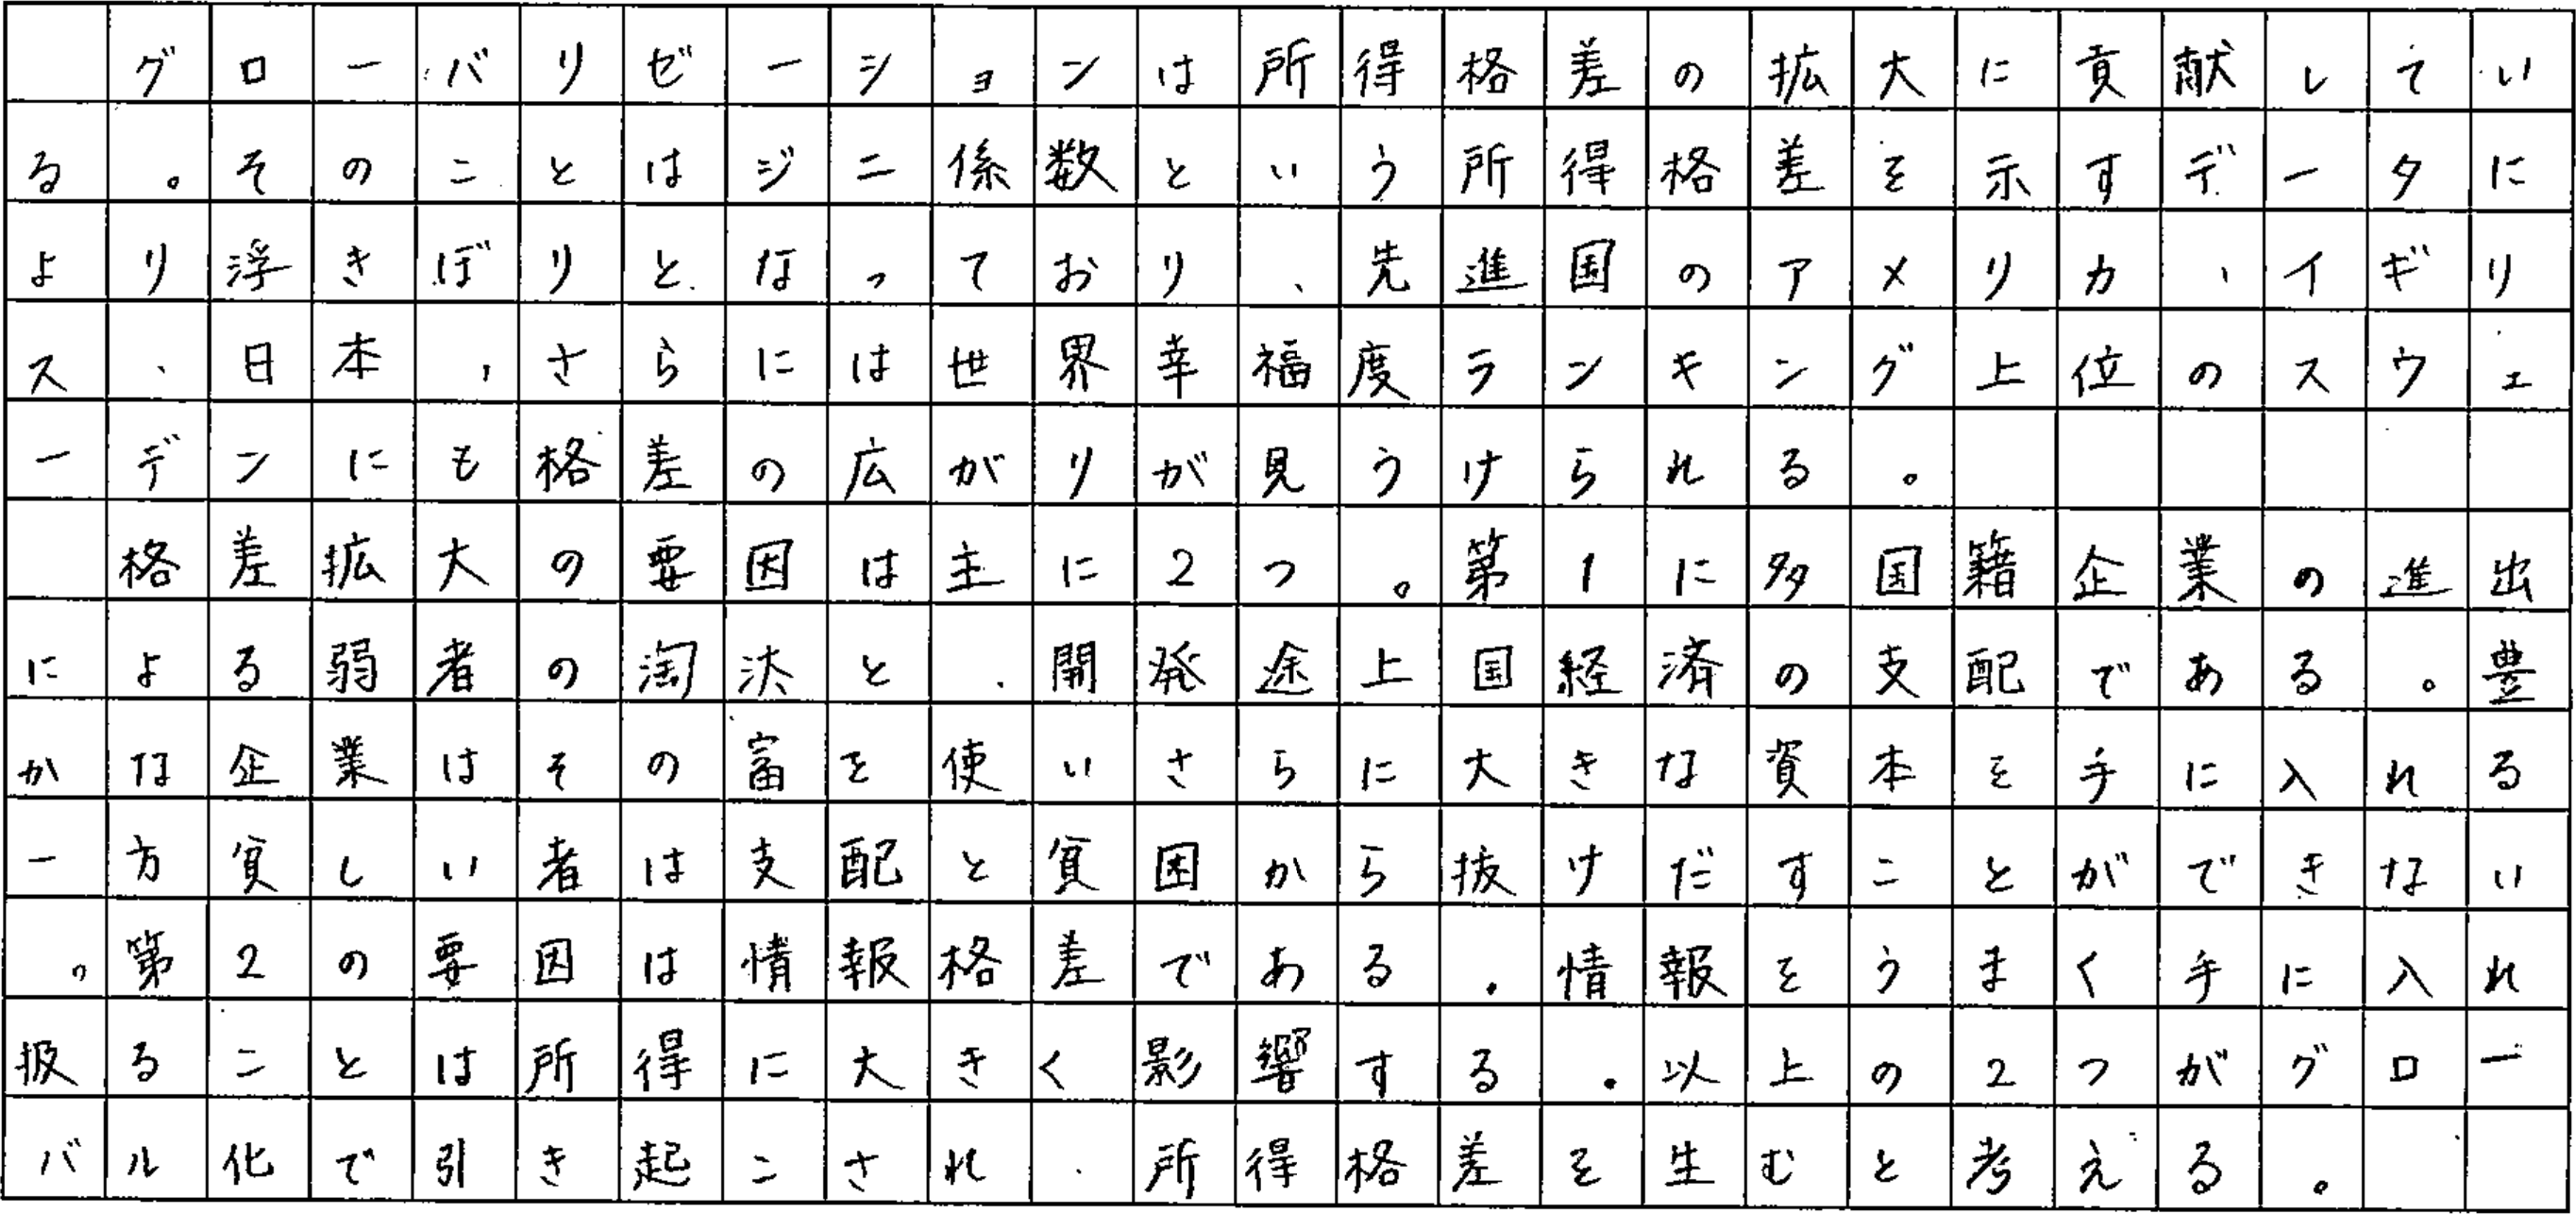　グローバリゼーションは所得格差の拡大に貢献している。そのことはジニ係数という所得格差を示すデータにより浮きぼりとなっており、先進国のアメリカ、イギリス、日本、さらには世界幸福度ランキング上位のスウェーデンにも格差の広がりが見うけられる。
　格差拡大の要因は主に２つ。第１に多国籍企業の進出による弱者の淘汰と、開発途上国経済の支配である。豊かな企業はその富を使いさらに大きな資本を手に入れる一方貧しい者は支配と貧困から抜けだすことができない。第２の要因は情報格差である。情報をうまく手に入れ扱ることは所得に大きく影響する。以上の２つがグローバル化で引き起こされ、所得格差を生むと考えられる。
